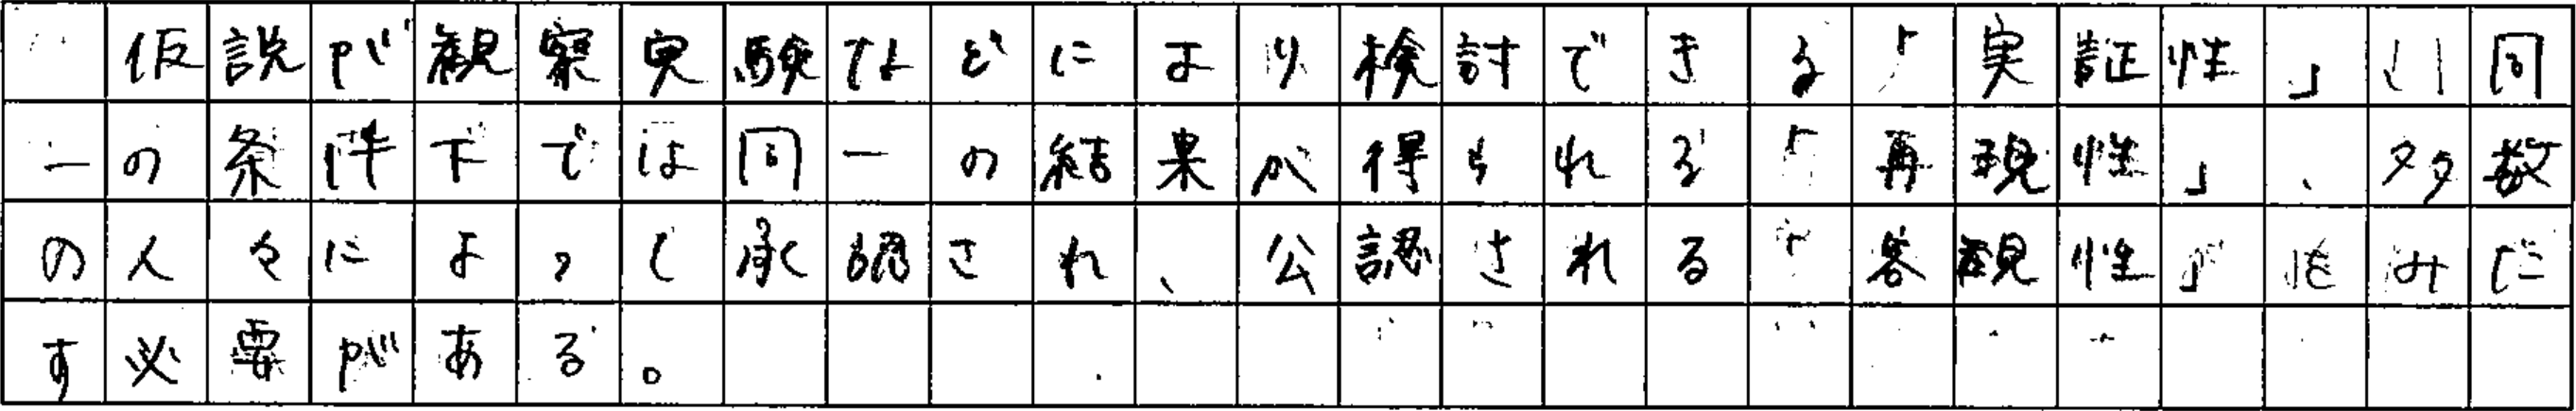　仮説が観察実験などにより検証できる「実証性」、同一の条件下では同一の結果が得られる「再現性」、多数の人々によって承認され、公認される「客観性」をみたす必要がある。
